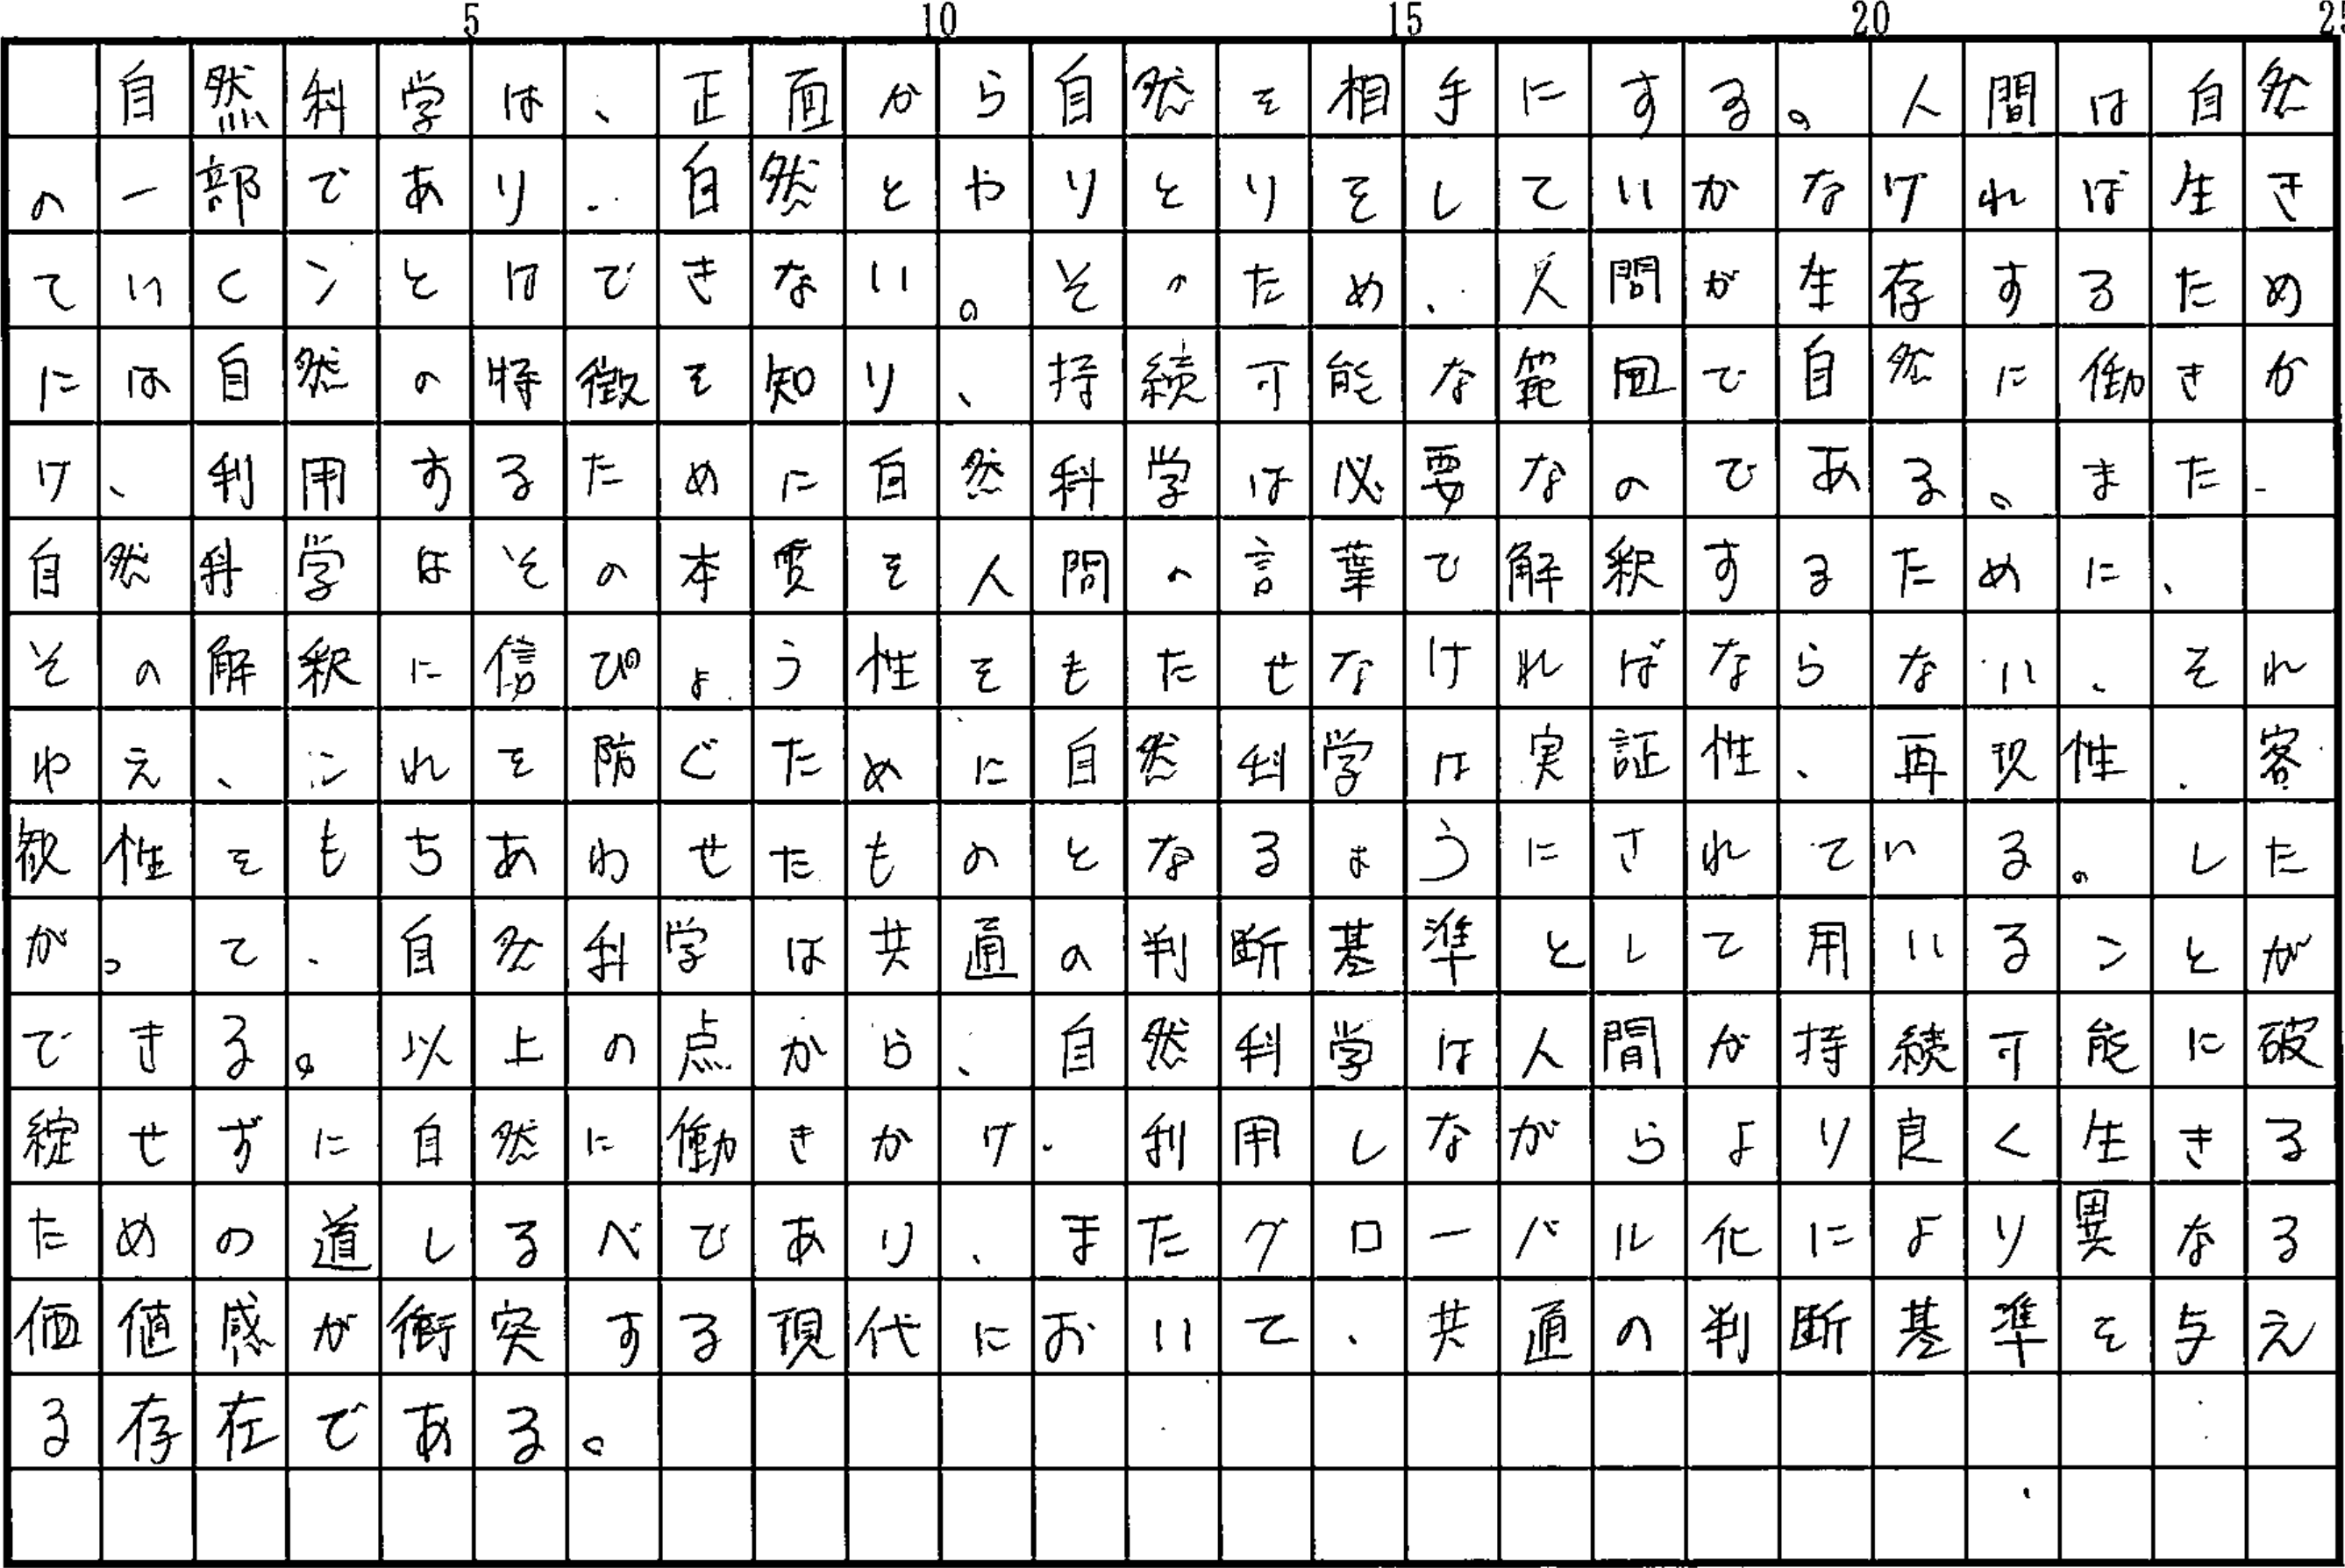　自然科学は、正面から自然を相手にする。人間は自然の一部であり、自然とやりとりをしていかなければ生きていくことはできない。そのため、人間が存在するためには自然の特徴を知り、持続可能な範囲で自然に働きかけ、利用するために自然科学は必要なのである。また、自然科学はその本質を人間の言葉で解釈するために、　その解釈に信ぴょう性をもたせなければならない。それゆえ、これを防ぐために自然科学は実証性、再現性、客観性をもちあわせたものとなるようにされている。したがって、自然科学は共通の判断基準として用いることができる。以上の点から、自然科学は人間が持続可能に破綻せずに自然に働きかけ、利用しながらより良く生きるための道しるべであり、またグローバル化により異なる価値感が衝突する現代において、共通の判断基準を与える存在である。
